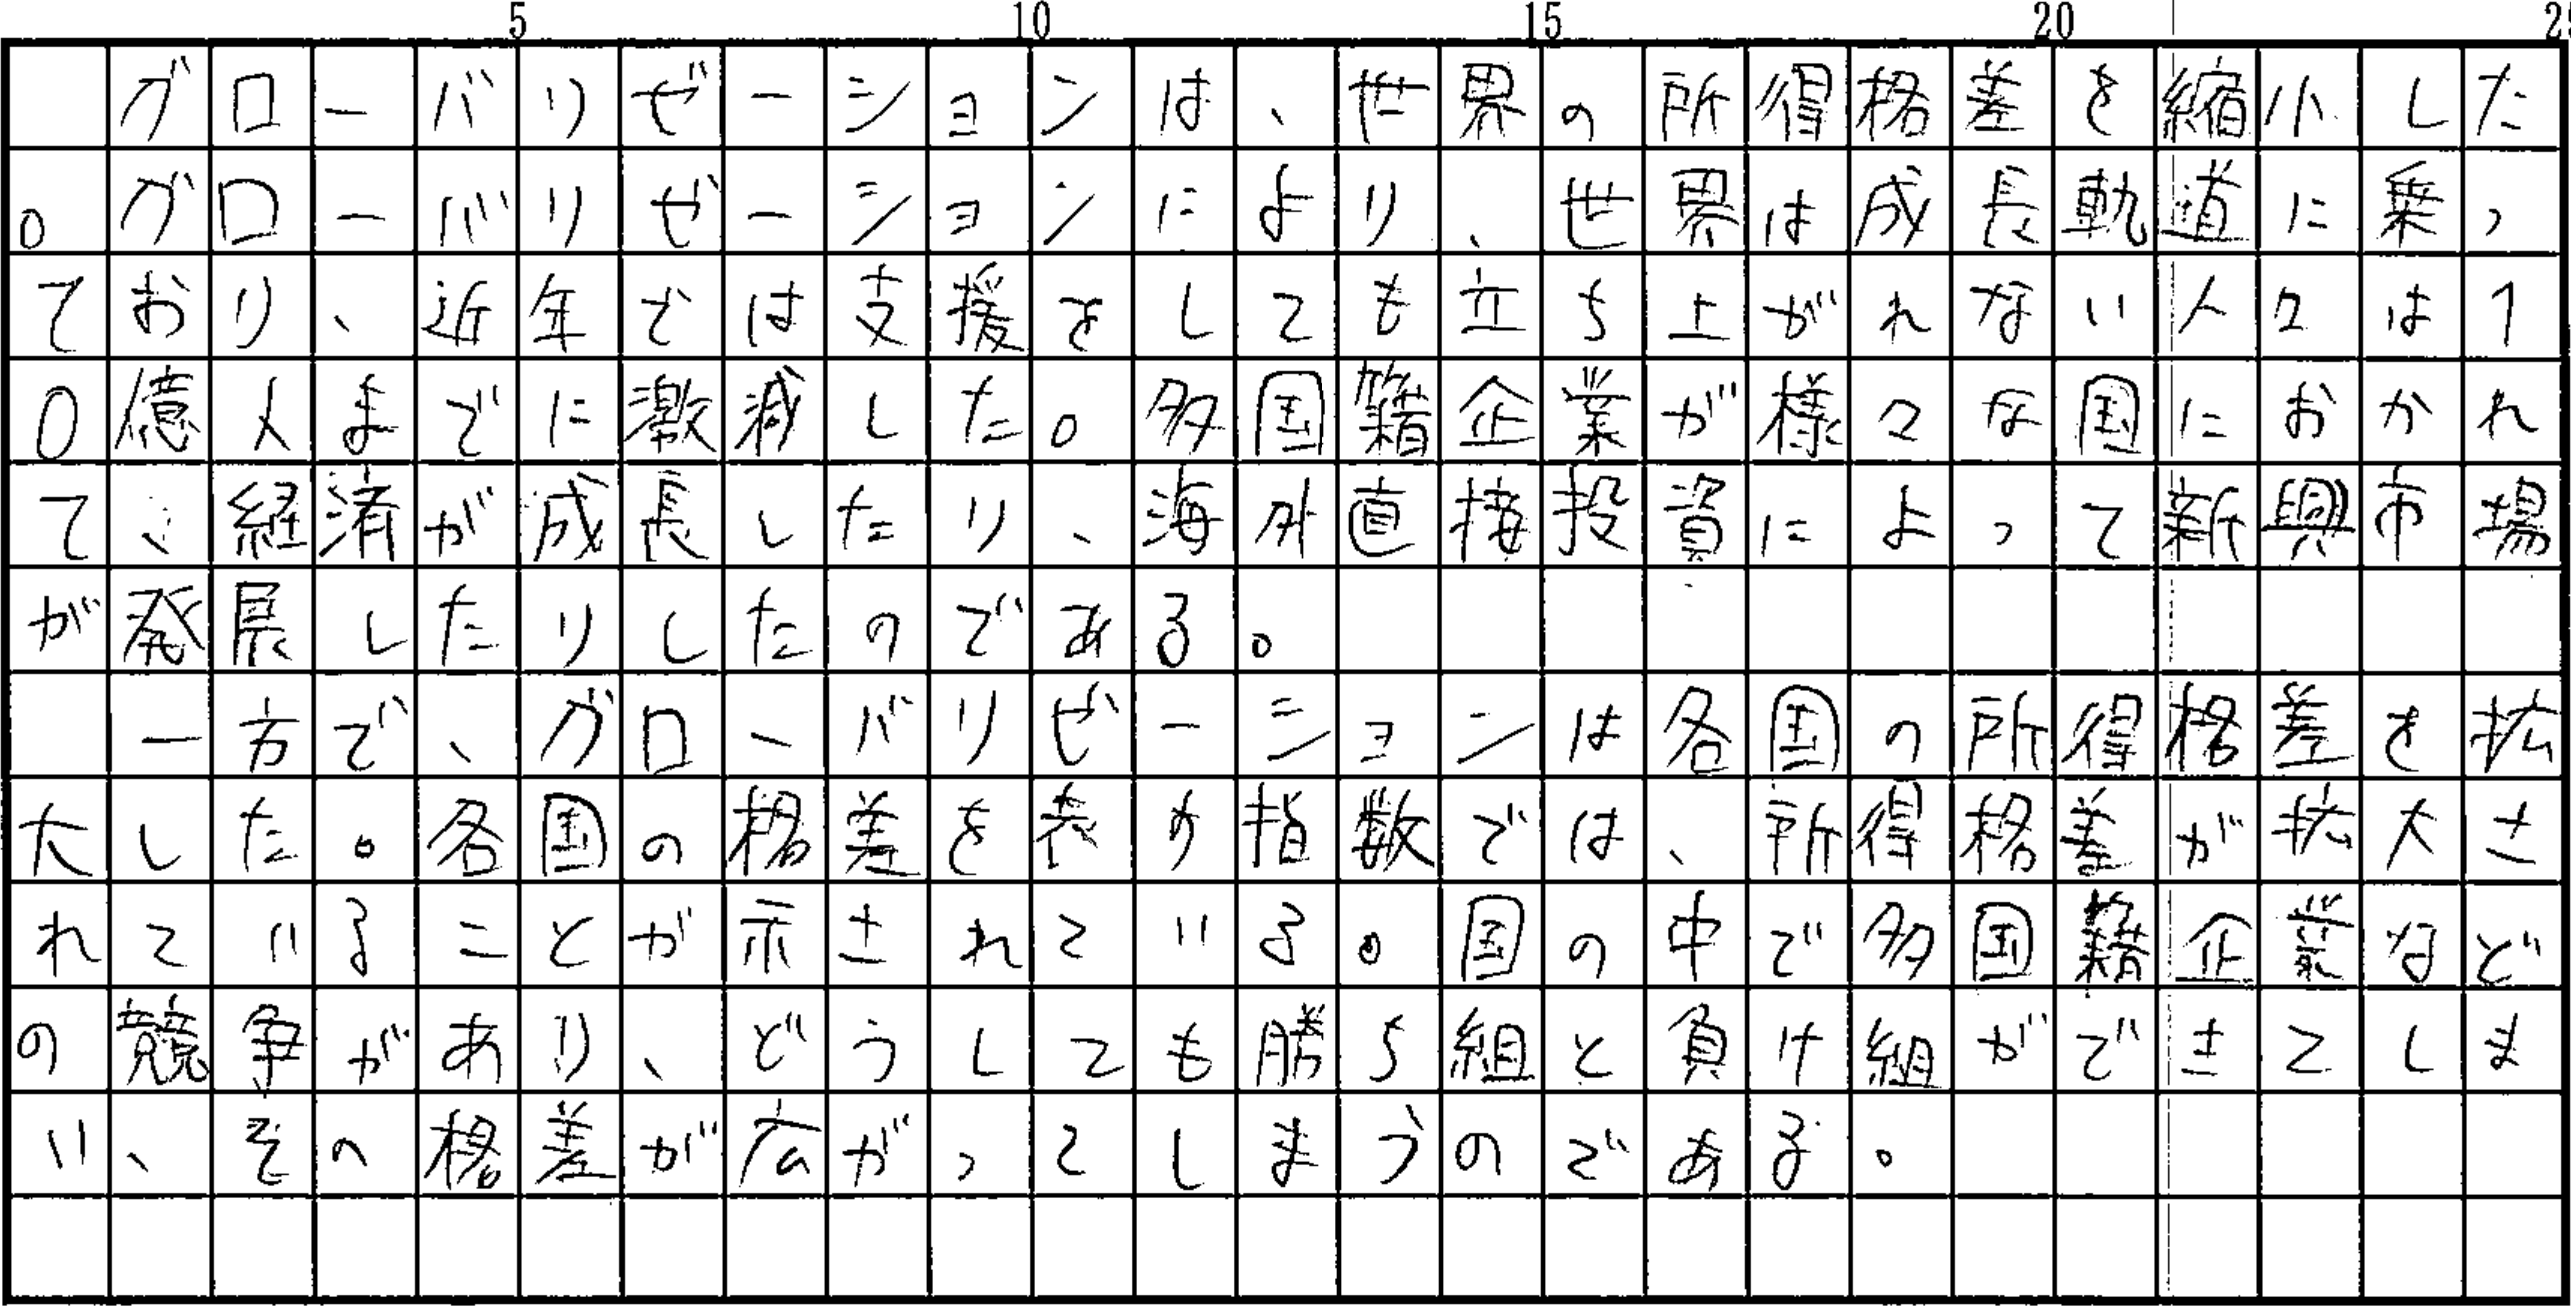　グ ローバリゼーションは、世界の所得格差を縮小した。グ ローバリゼーションにより、世界は成長軌道に乗っており、近年では支援をしても立ち上がれない人々は１０億人まで激減した。多国籍企業が様々な国におかれて、経済が成長したり、海外直接投資によって新興市場が発展したりしたのである。
　一方で、グ ローバリゼーションは各国の所得格差を拡大した。各国の格差を表す指数では、所得格差が拡大されていることが示されている。国の中で多国籍企業などの競争があり、どうしても勝ち組と負け組ができてしまい、その格差が広がってしまうのである。
